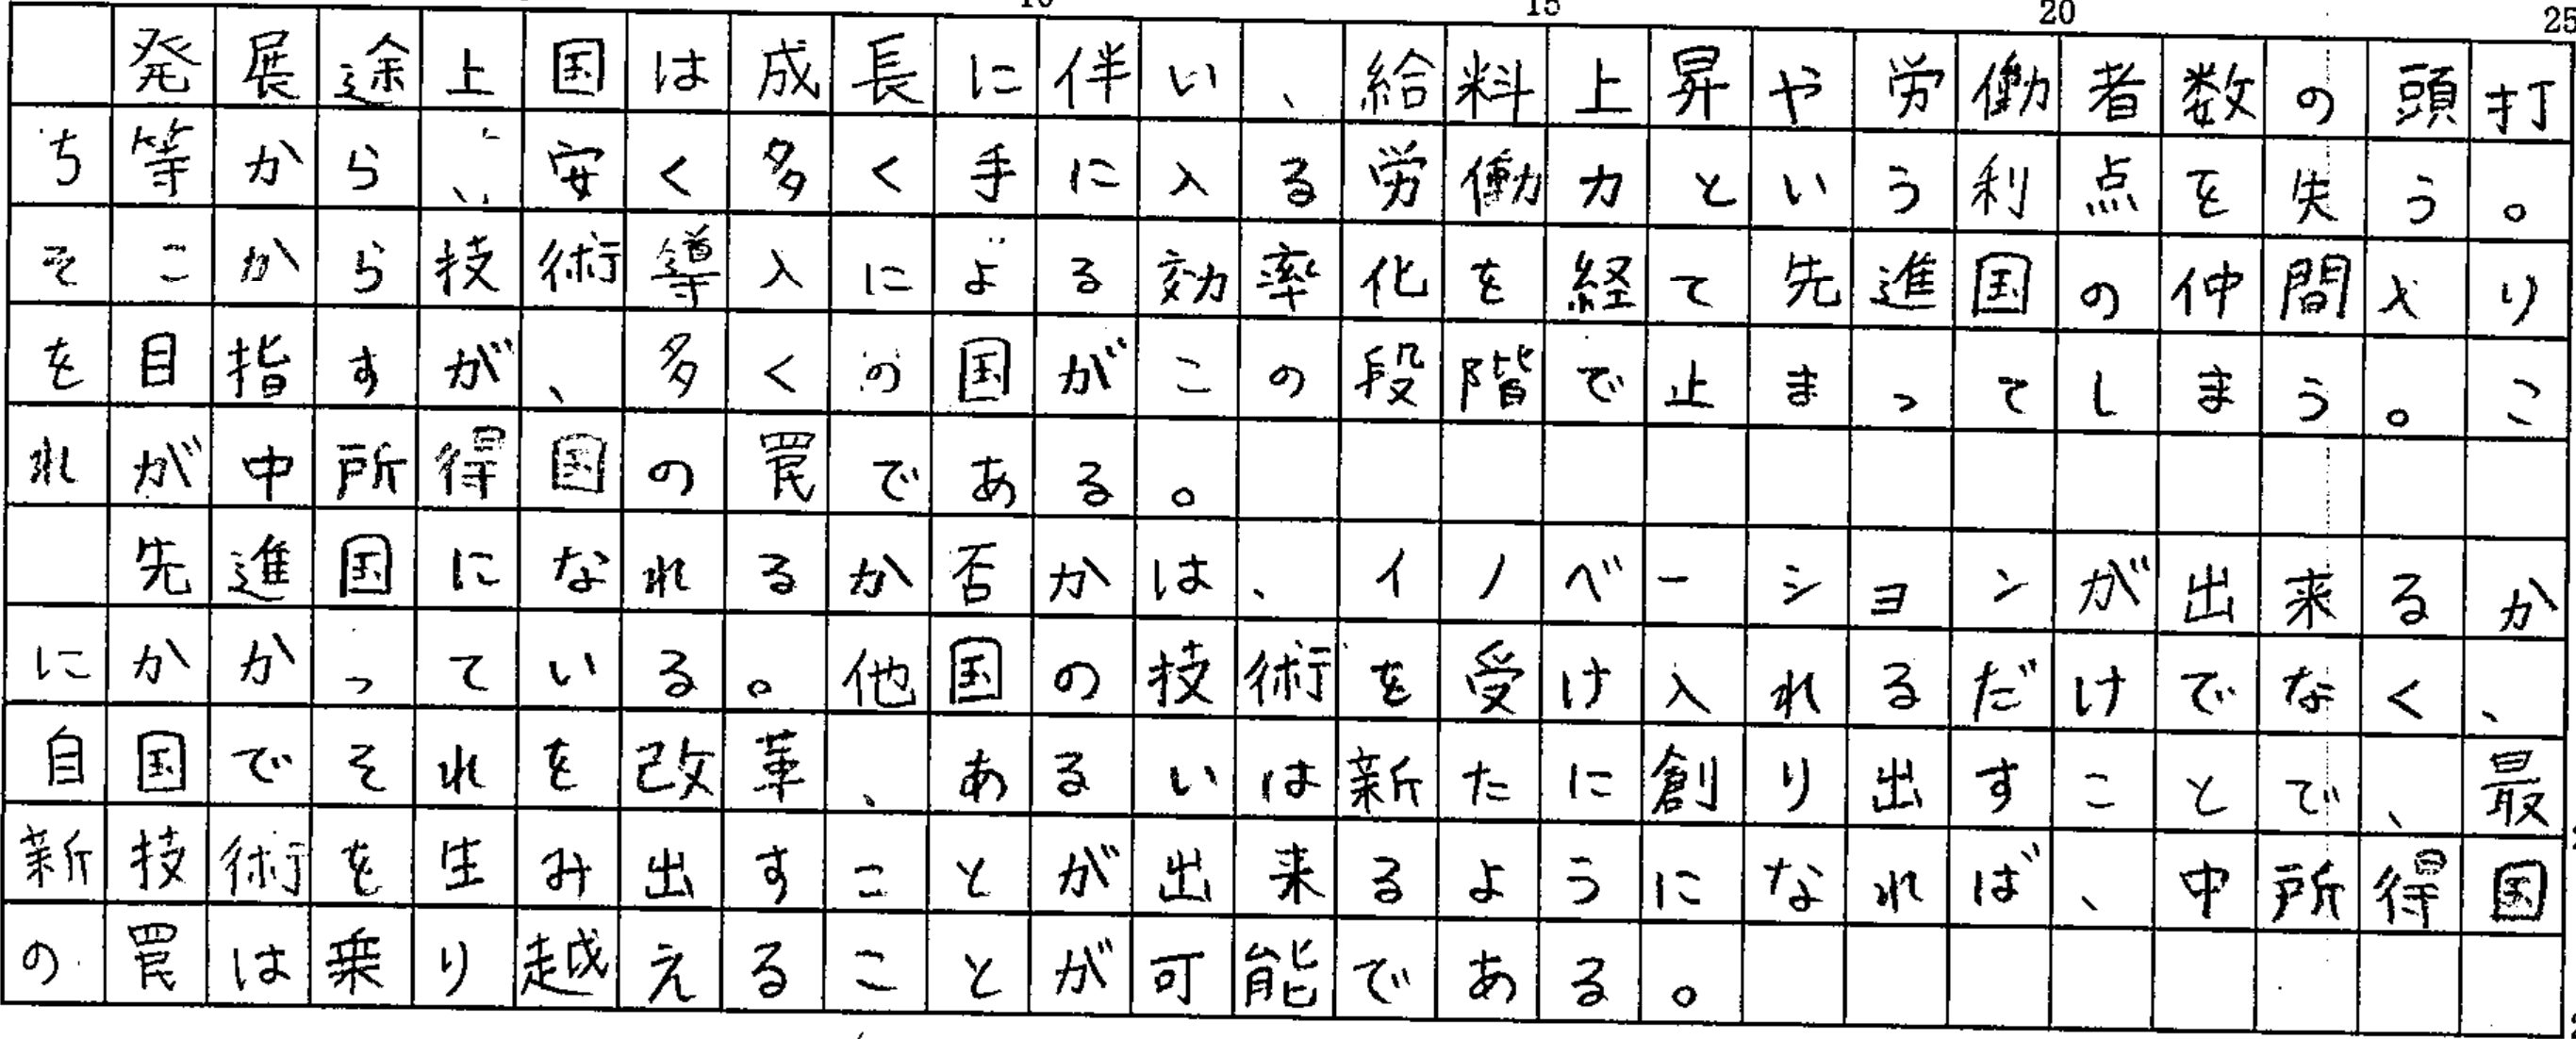　発展途上国は成長に伴い、給料上昇や労働者数の頭打ち等から、安く多く手に入る労働力という利点を失う。そこから技術導入による効率化を経て先進国の仲間入りを目指すが、多くの国がこの段階で止まってしまう。これが中所得国の罠である。
　先進国になれるか否かは、イノベーションが出来るかにかかっている。他国の技術を受け入れるだけでなく、自国でそれを改革、あるいは新たに創り出すことで、最新技術を生み出すことが出来るようになれば、中所得国の罠は乗り越えることが可能である。
